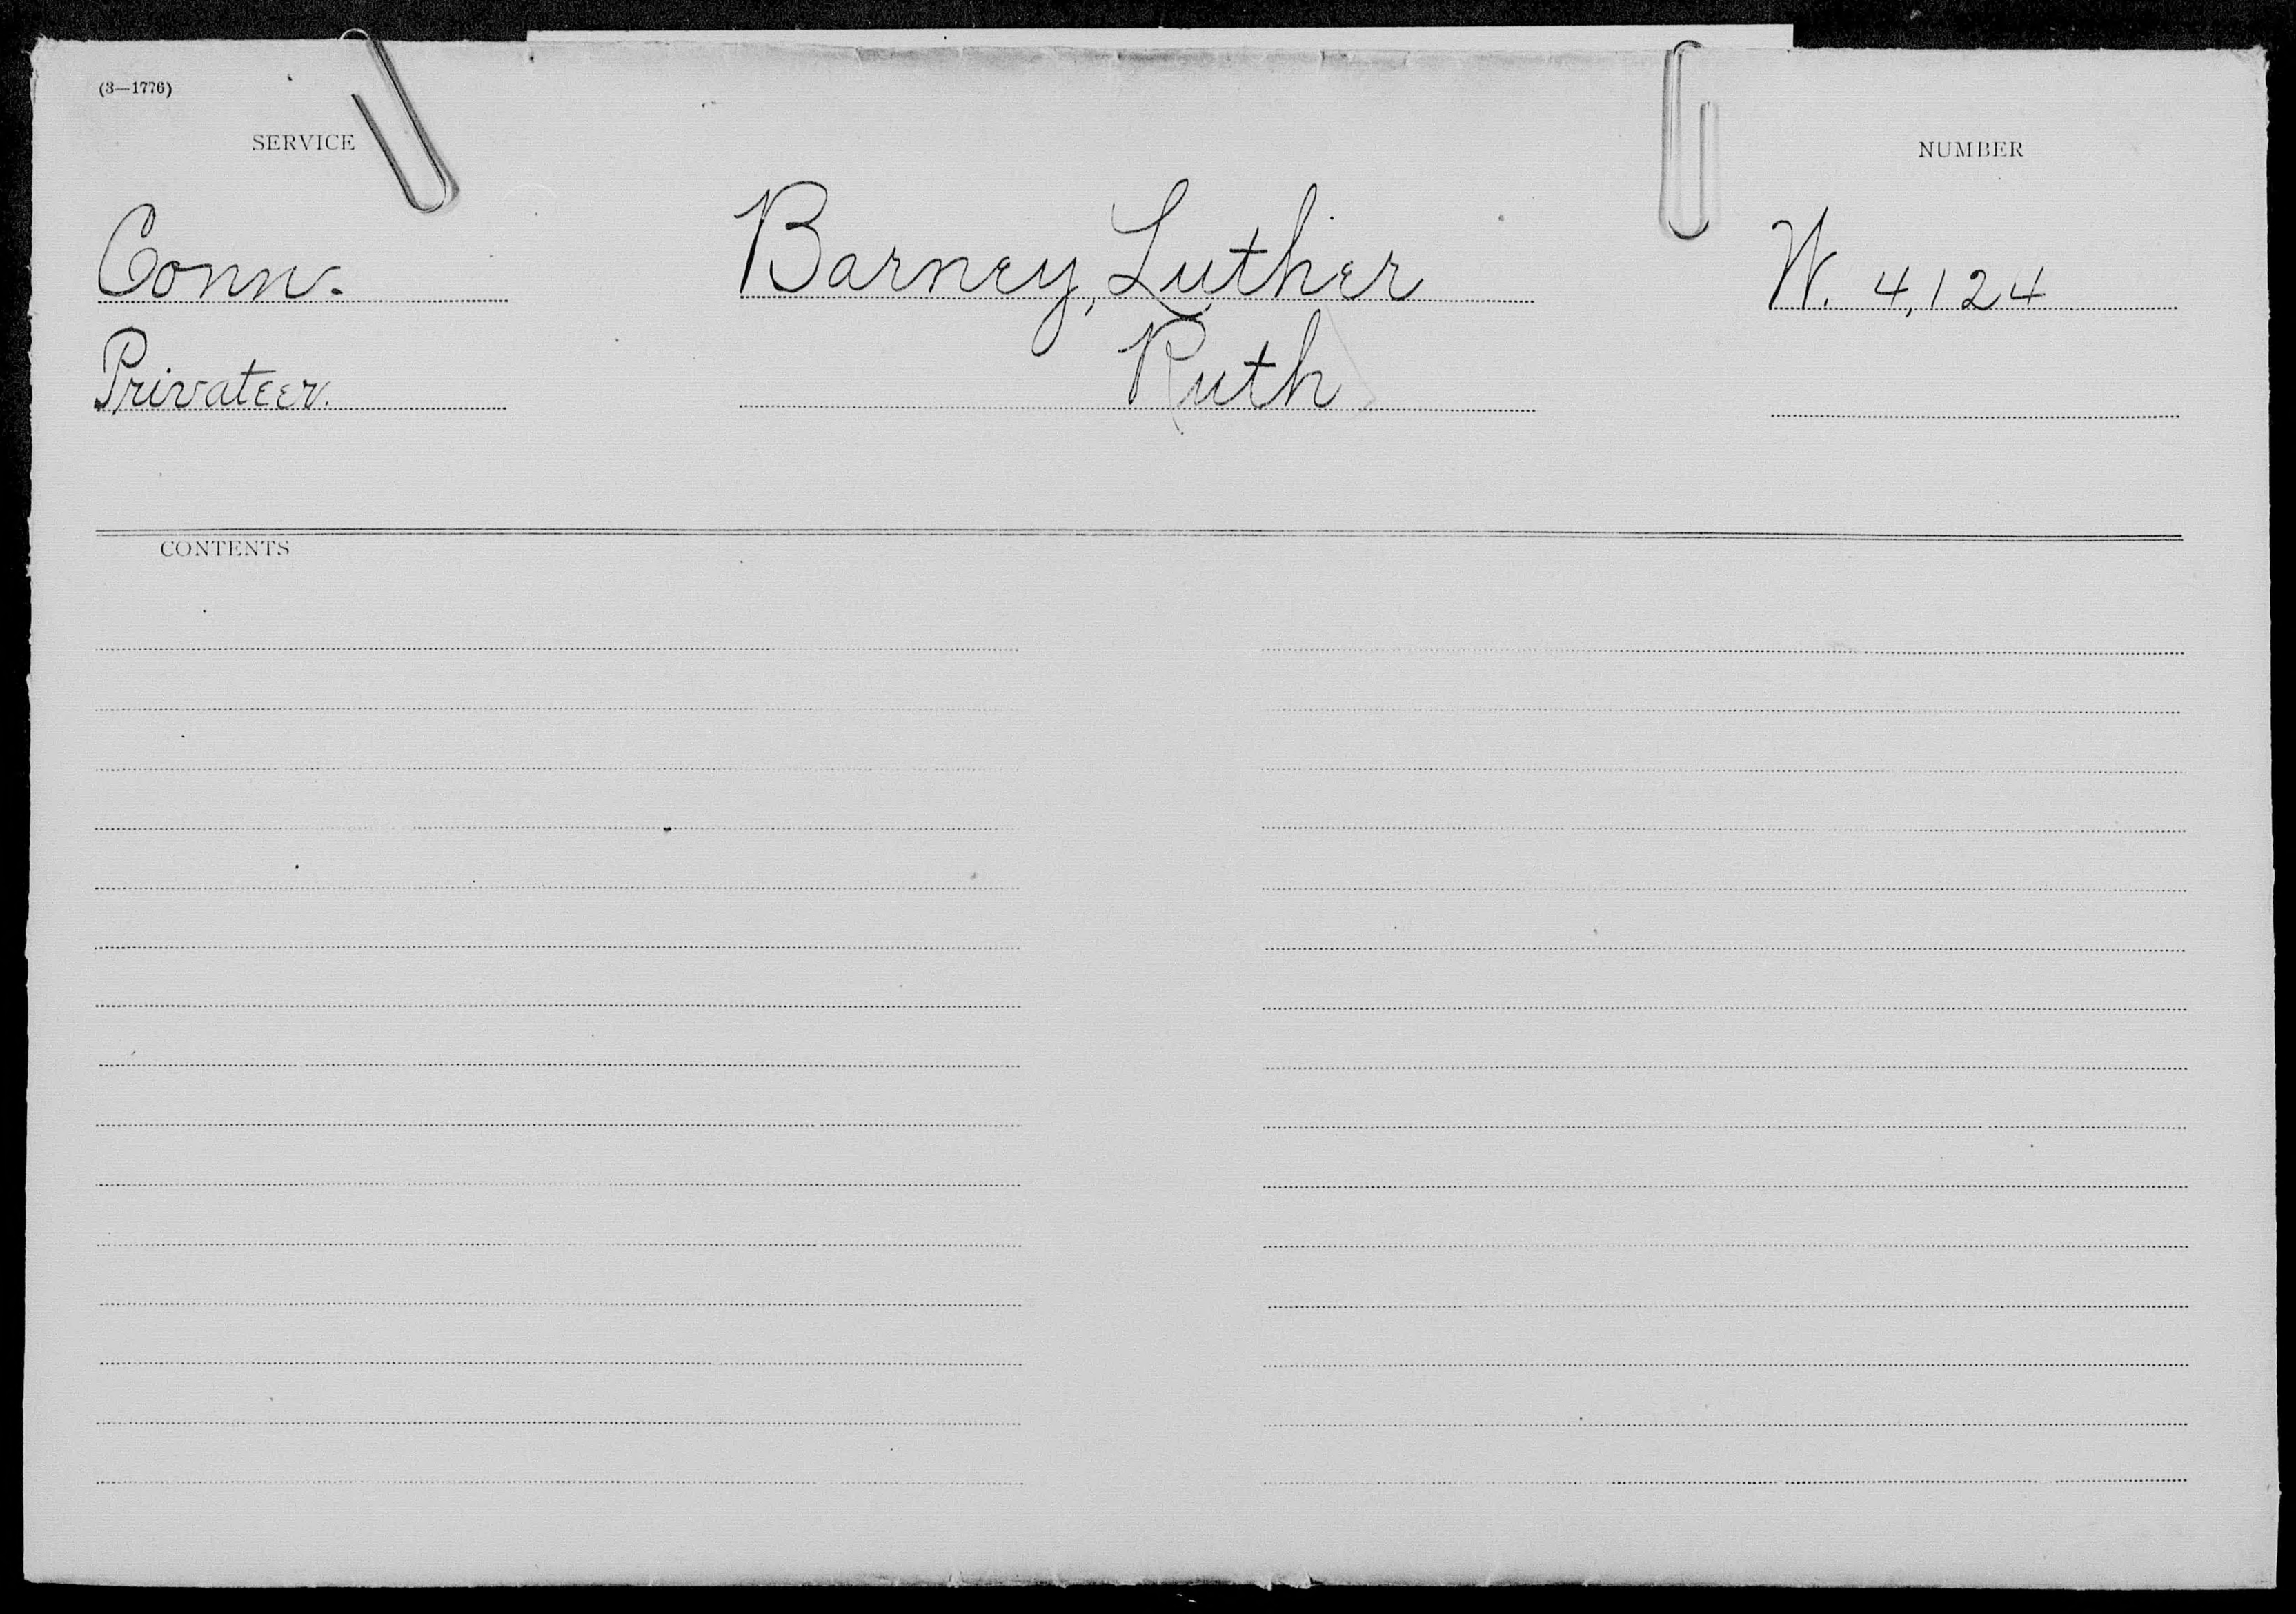(3-1776) 
Service Number
Conn. Barney, Luther W. 4,124
Privateer. Ruth 
Contents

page: 1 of 61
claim: widow's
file: W. 4.124, Luther Barney, Conn. Privateer.